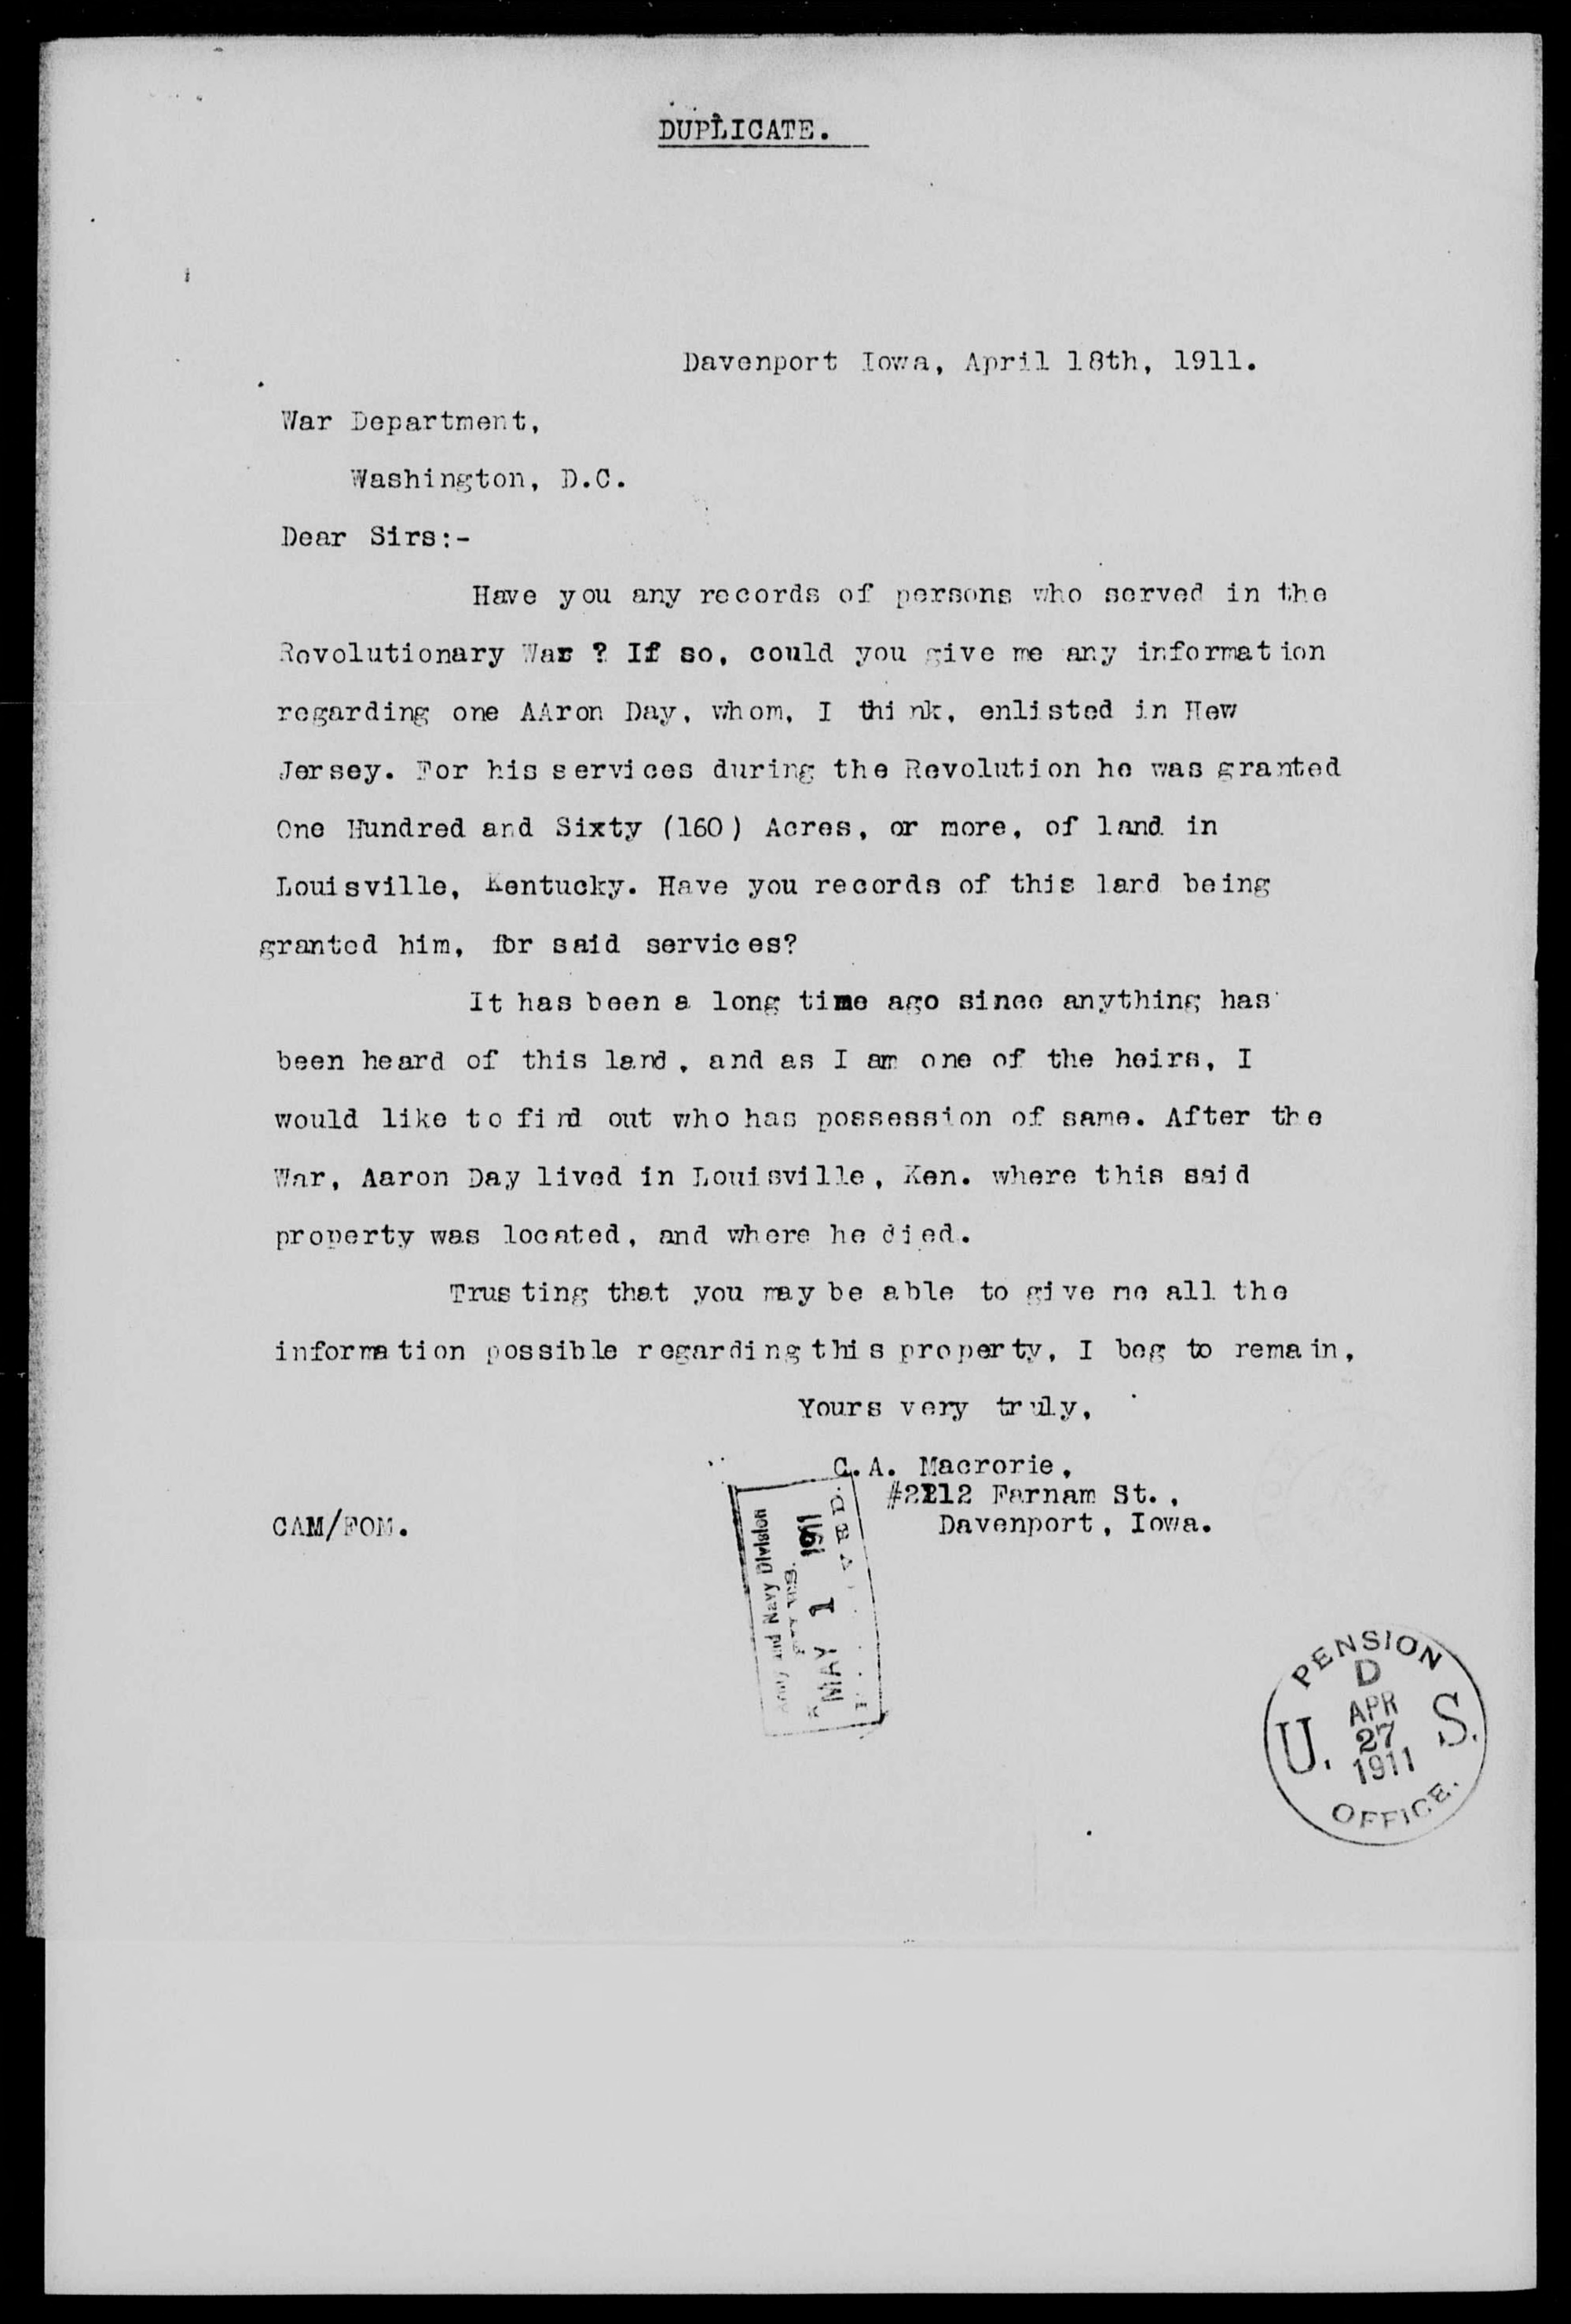DUPLICATE. [underlined]
Davenport Iowa, April 18th, 1911.
War Department, Washington, D. C.
Dear Sirs:-
Have you any records of persons who served in the Revolutionary War? If so, could you give me any information regarding one AAron Day, whom, I think, enlisted in New Jersey.  For his services during the Revolution he was granted One Hundred and Sixty (160) Acres, or more, of land in Louisville, Kentucky.  Have you records of this land being granted him, for said services?
It has been a long time ago since anything has been heard of this land, and as I am one of the heirs, I would like to find out who has possession of same.  After the War, Aaron Day lived in Louisville, Ken. where this said property was located, and where he died.
Trusting that you may be able to give me all the information possible regarding this property, I beg to remain, Yours very truly, C. A. Macrorie, #2112 [could be 2212 - the second digit is typed over] Farnam St., Davenport, Iowa.
CAM/FOM.
[rectangular stamp:] Army and Navy Division [illegible] MAY 1 1911 RECEIVED.
[circular stamp:] U. S. PENSION OFFICE D APR 27 1911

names: C A Macrorie, Aaron Day, Aaron Day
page: 15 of 15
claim: bounty land warrant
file: B. L. Wt. 1849-200, Aaron Day, New Jersey